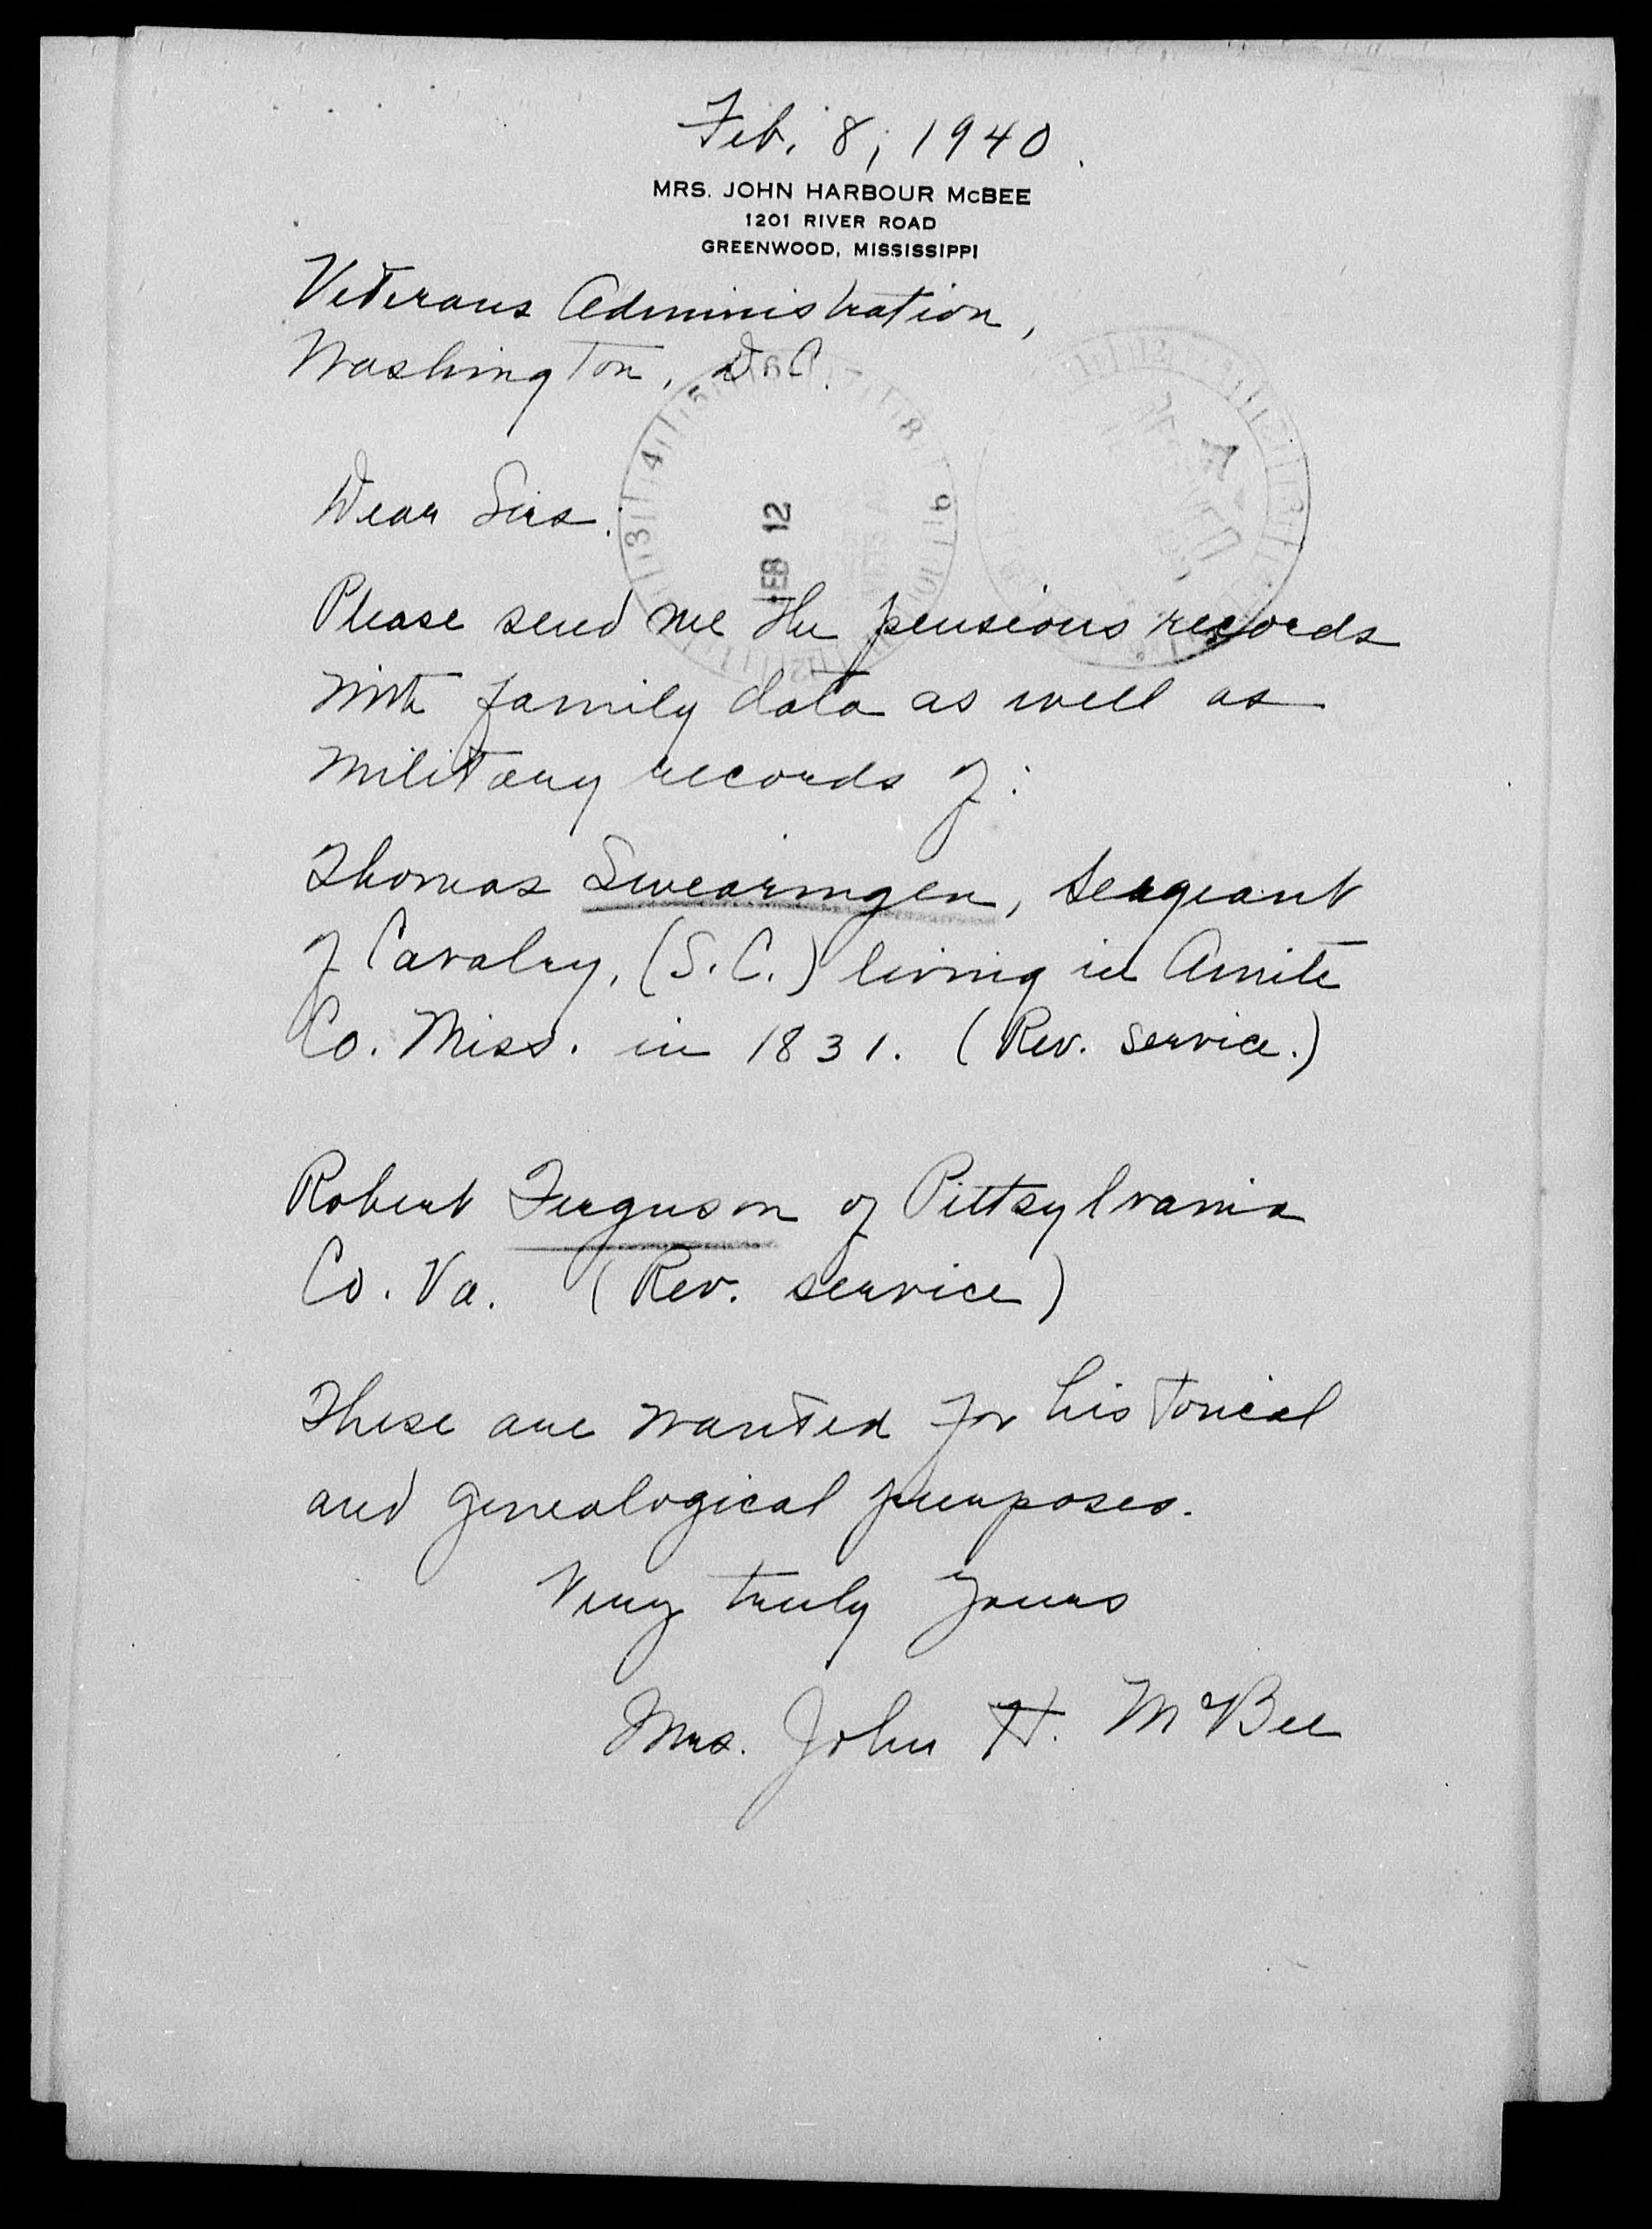Feb. 8, 1940
Mrs. John Harbour McBee
1201 River Road
Greenwood, Mississippi

Veterans Administration
Washington, D.C.
Dear Sir, Please send me the pensions records with family data as well as military service of Thomas Swearingen, sergeant of Cavalry, (S.C.) living in Amite Co. Miss. in 1831 (Rev. service)

Robert Ferguson of Pittsylvania Co. Va. (Rev. service)

These are wanted for his trial and genealogical purposes.

Very Truly yours
Mrs. John H. McBee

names: Thomas Swearingen, John H Mc Bee, John Harbour Mc Bee, Robert Ferguson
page: 80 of 81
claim: widow's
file: W. 7262, Robert Ferguson, Va.